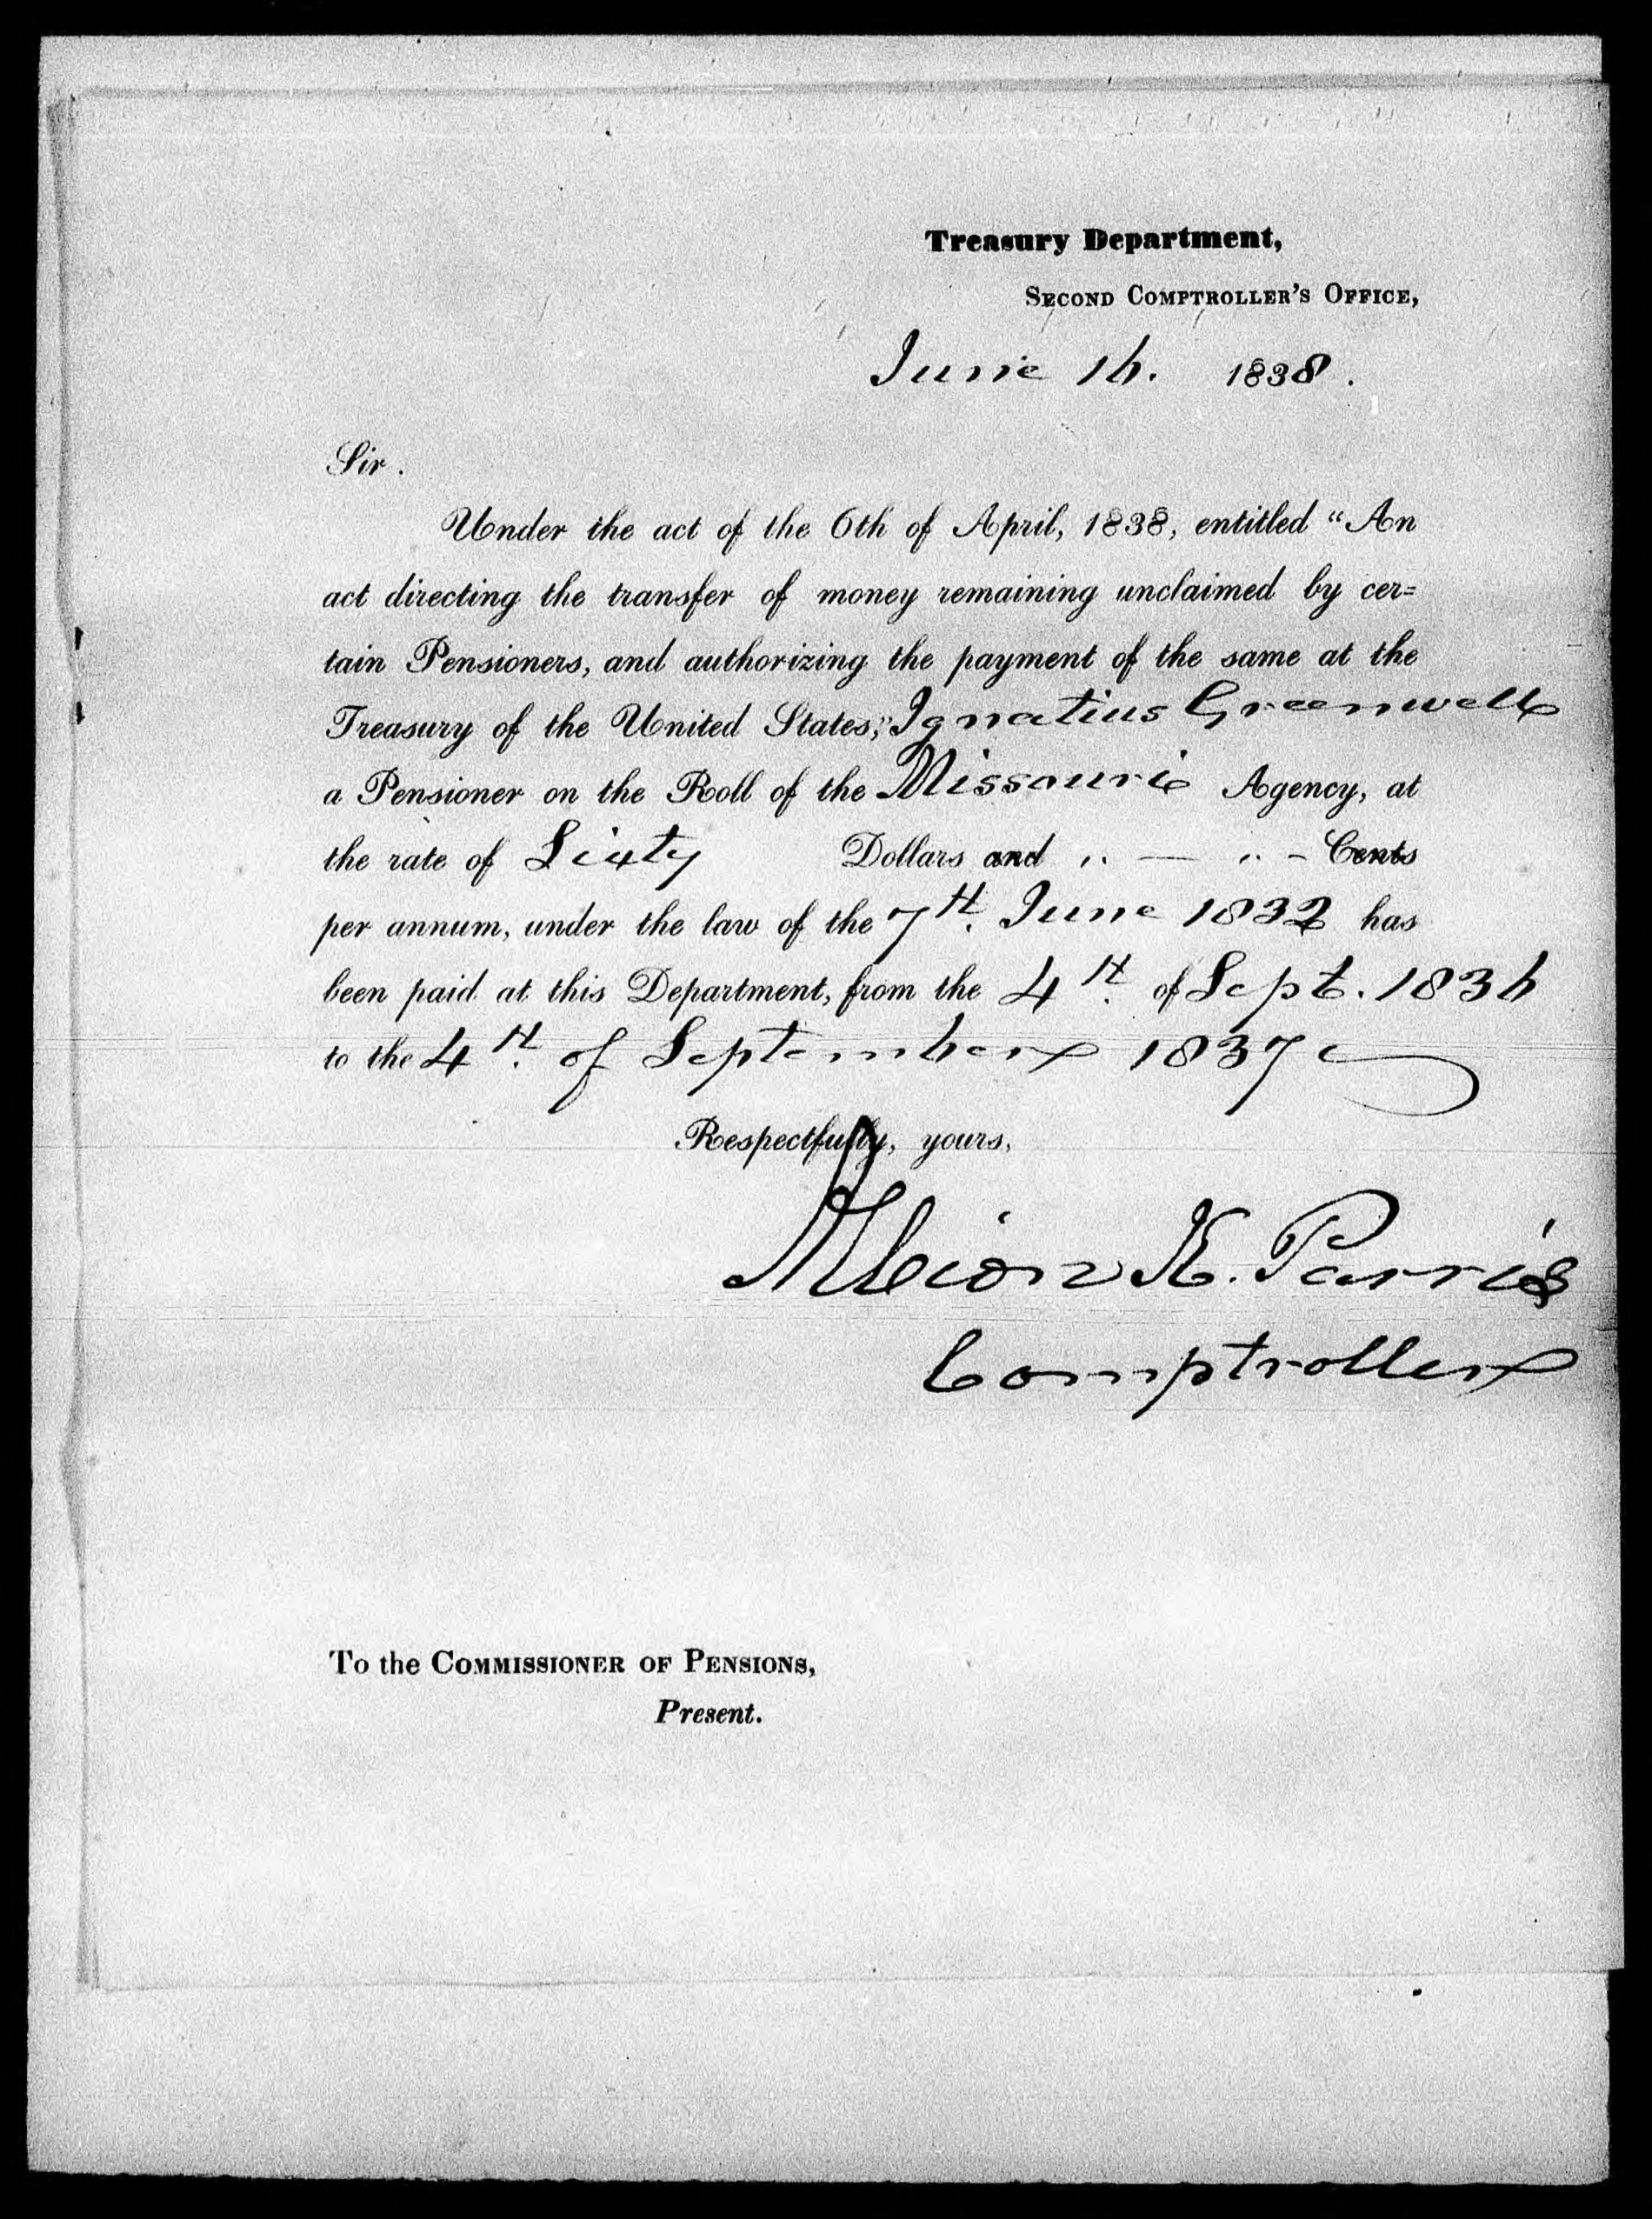TREASURY DEPARTMENT
Second Comptroller's Office
June 16, 1838

Sir:

Under the act of the 6th of April 1838, entitled "An act directing the transfer of money remaining unclaimed by certain pensioners, and authorizing the payment of the same at the Treasury of the United States." Ignatius Greenwell a pensioner on the roll of the Missouri Agency at the rate of sixty dollars and blank cents per annum under law of the 7th June 1832 has been paid at this Department, from the 4th of Sept 1836 to the 4th of Sept 1837.

Respectfully yours,

Albion K Parris
Comptroller

To the Commissioner of Pensions
Present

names: Albion K Parris, Ignatius Greenwell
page: 19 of 19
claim: survivor's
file: S. 16836, Ignatus Greenwell, Md.